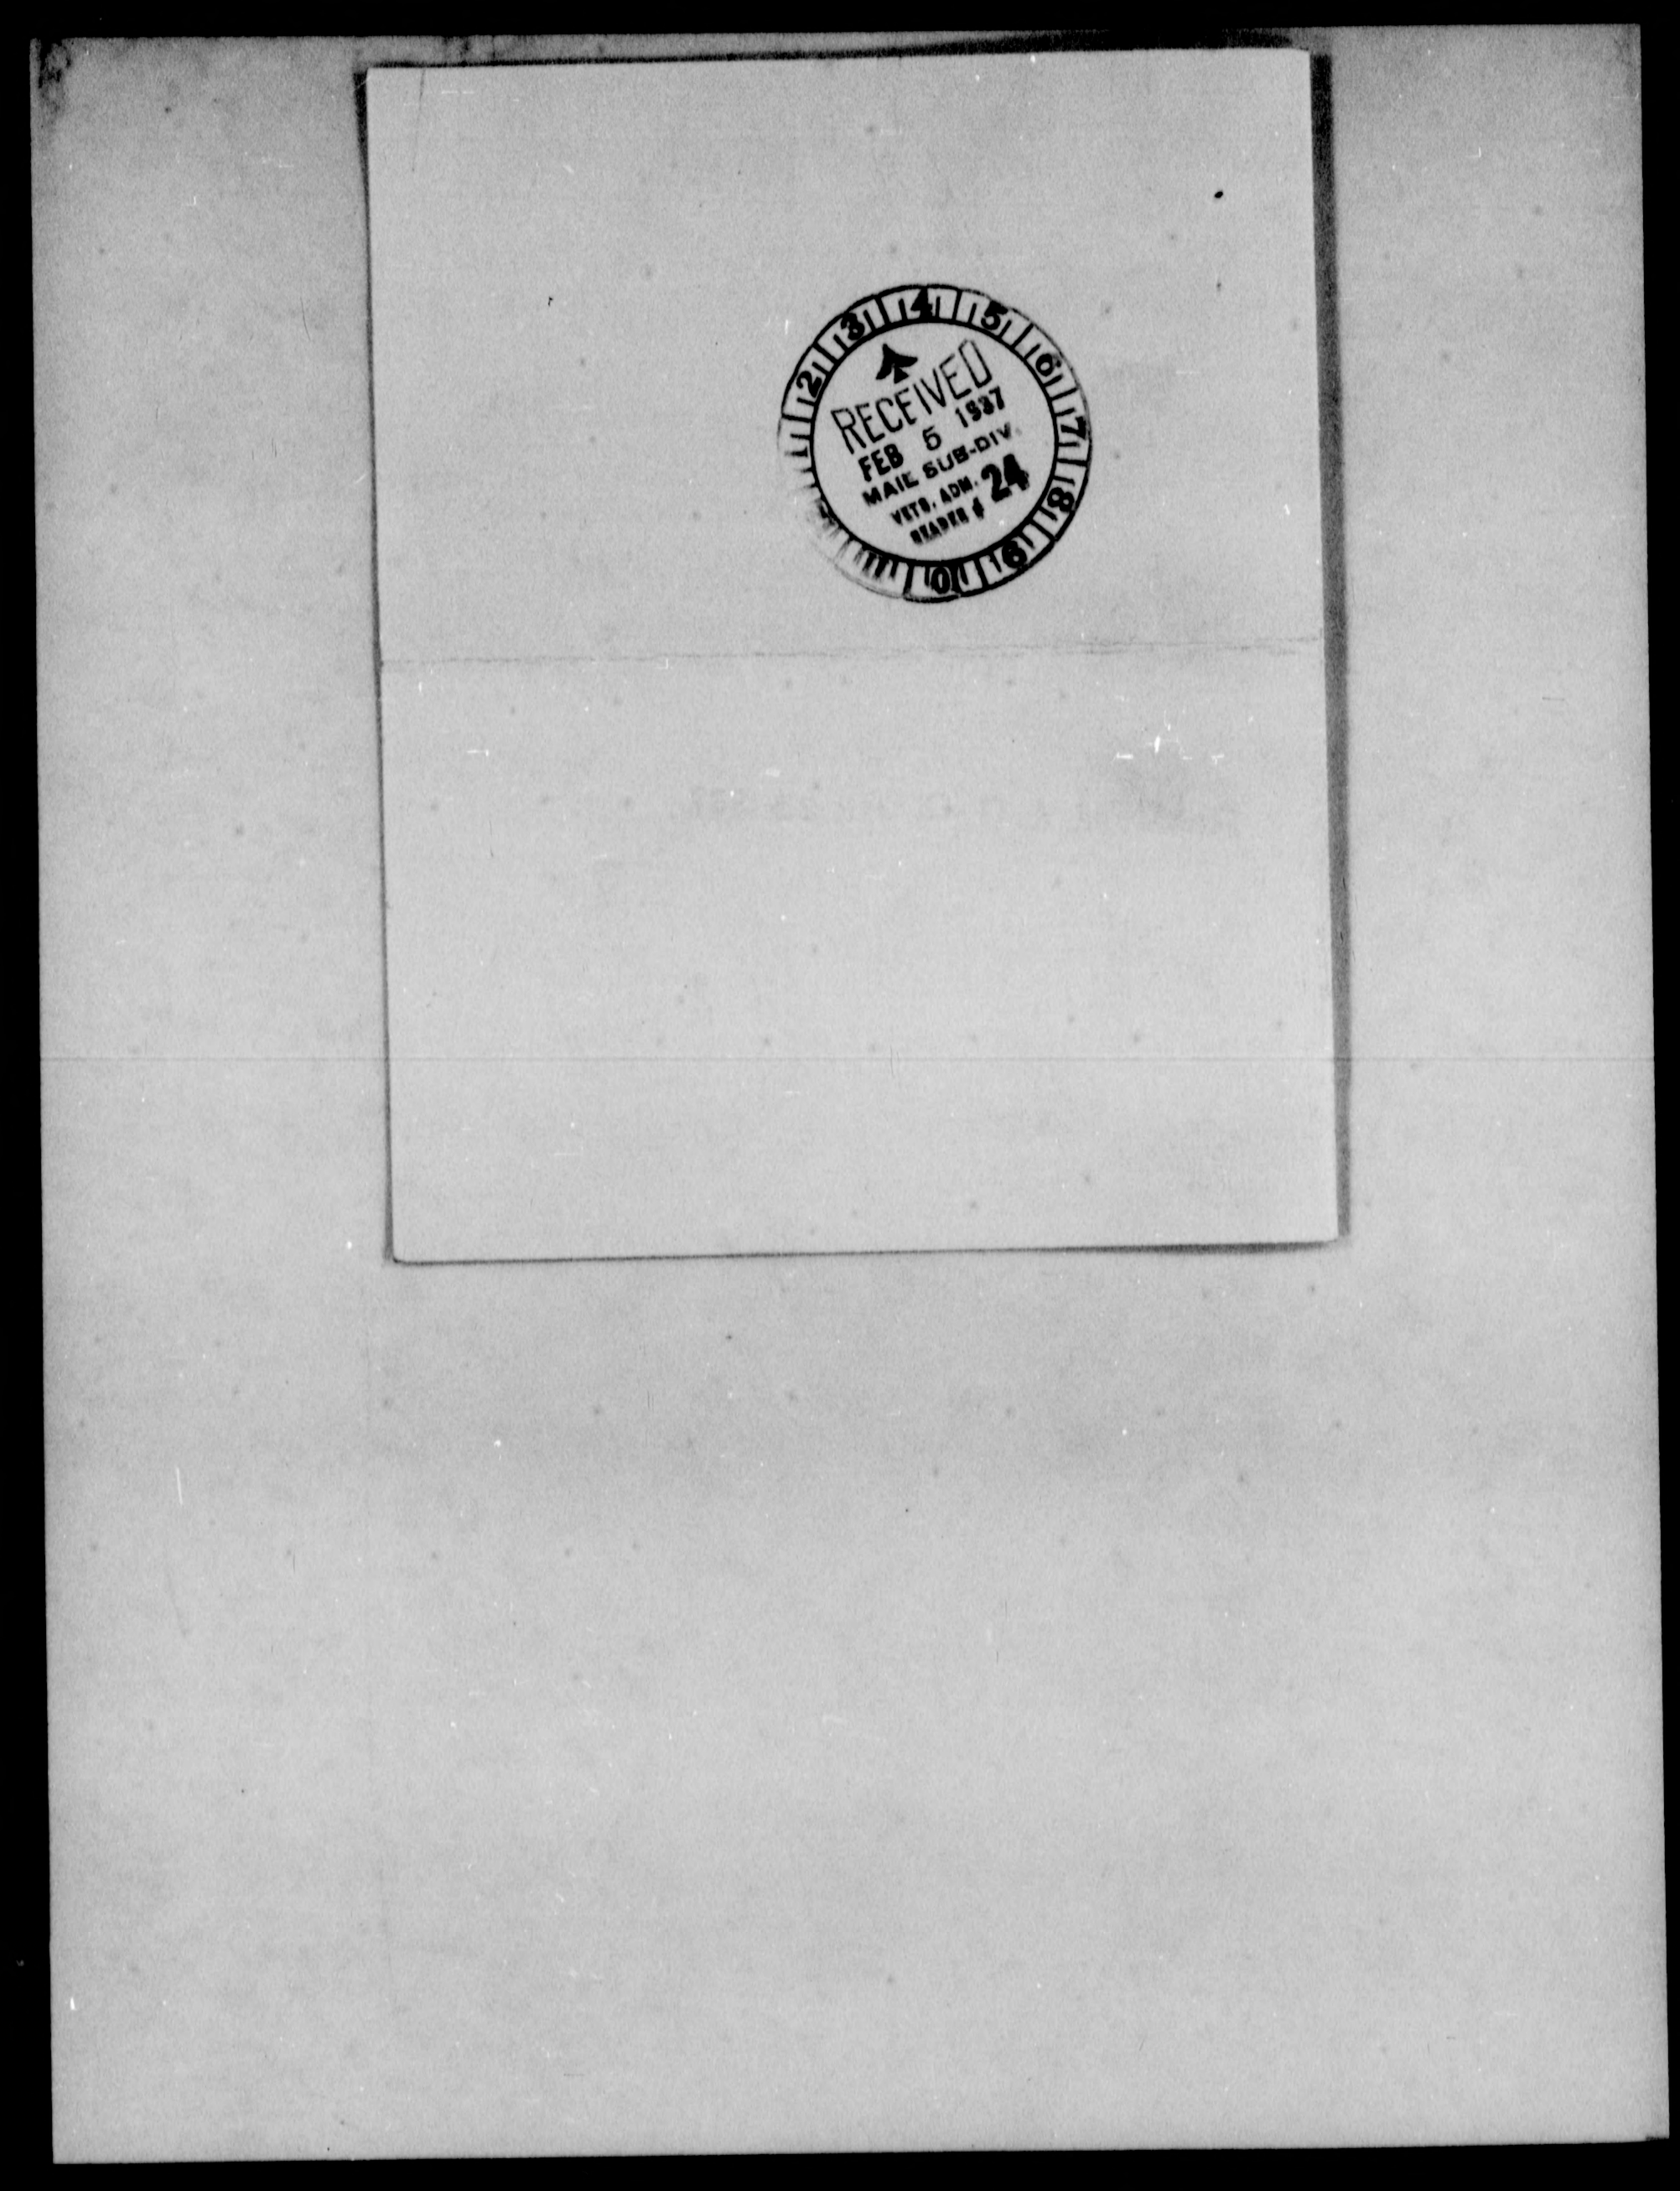Stamped-Received Feb 5 1937
 Mail Sub-Div. Vets. Adm. Reader #24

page: 57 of 98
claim: widow's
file: W. 1682, Valentine Wheeler, Mass.